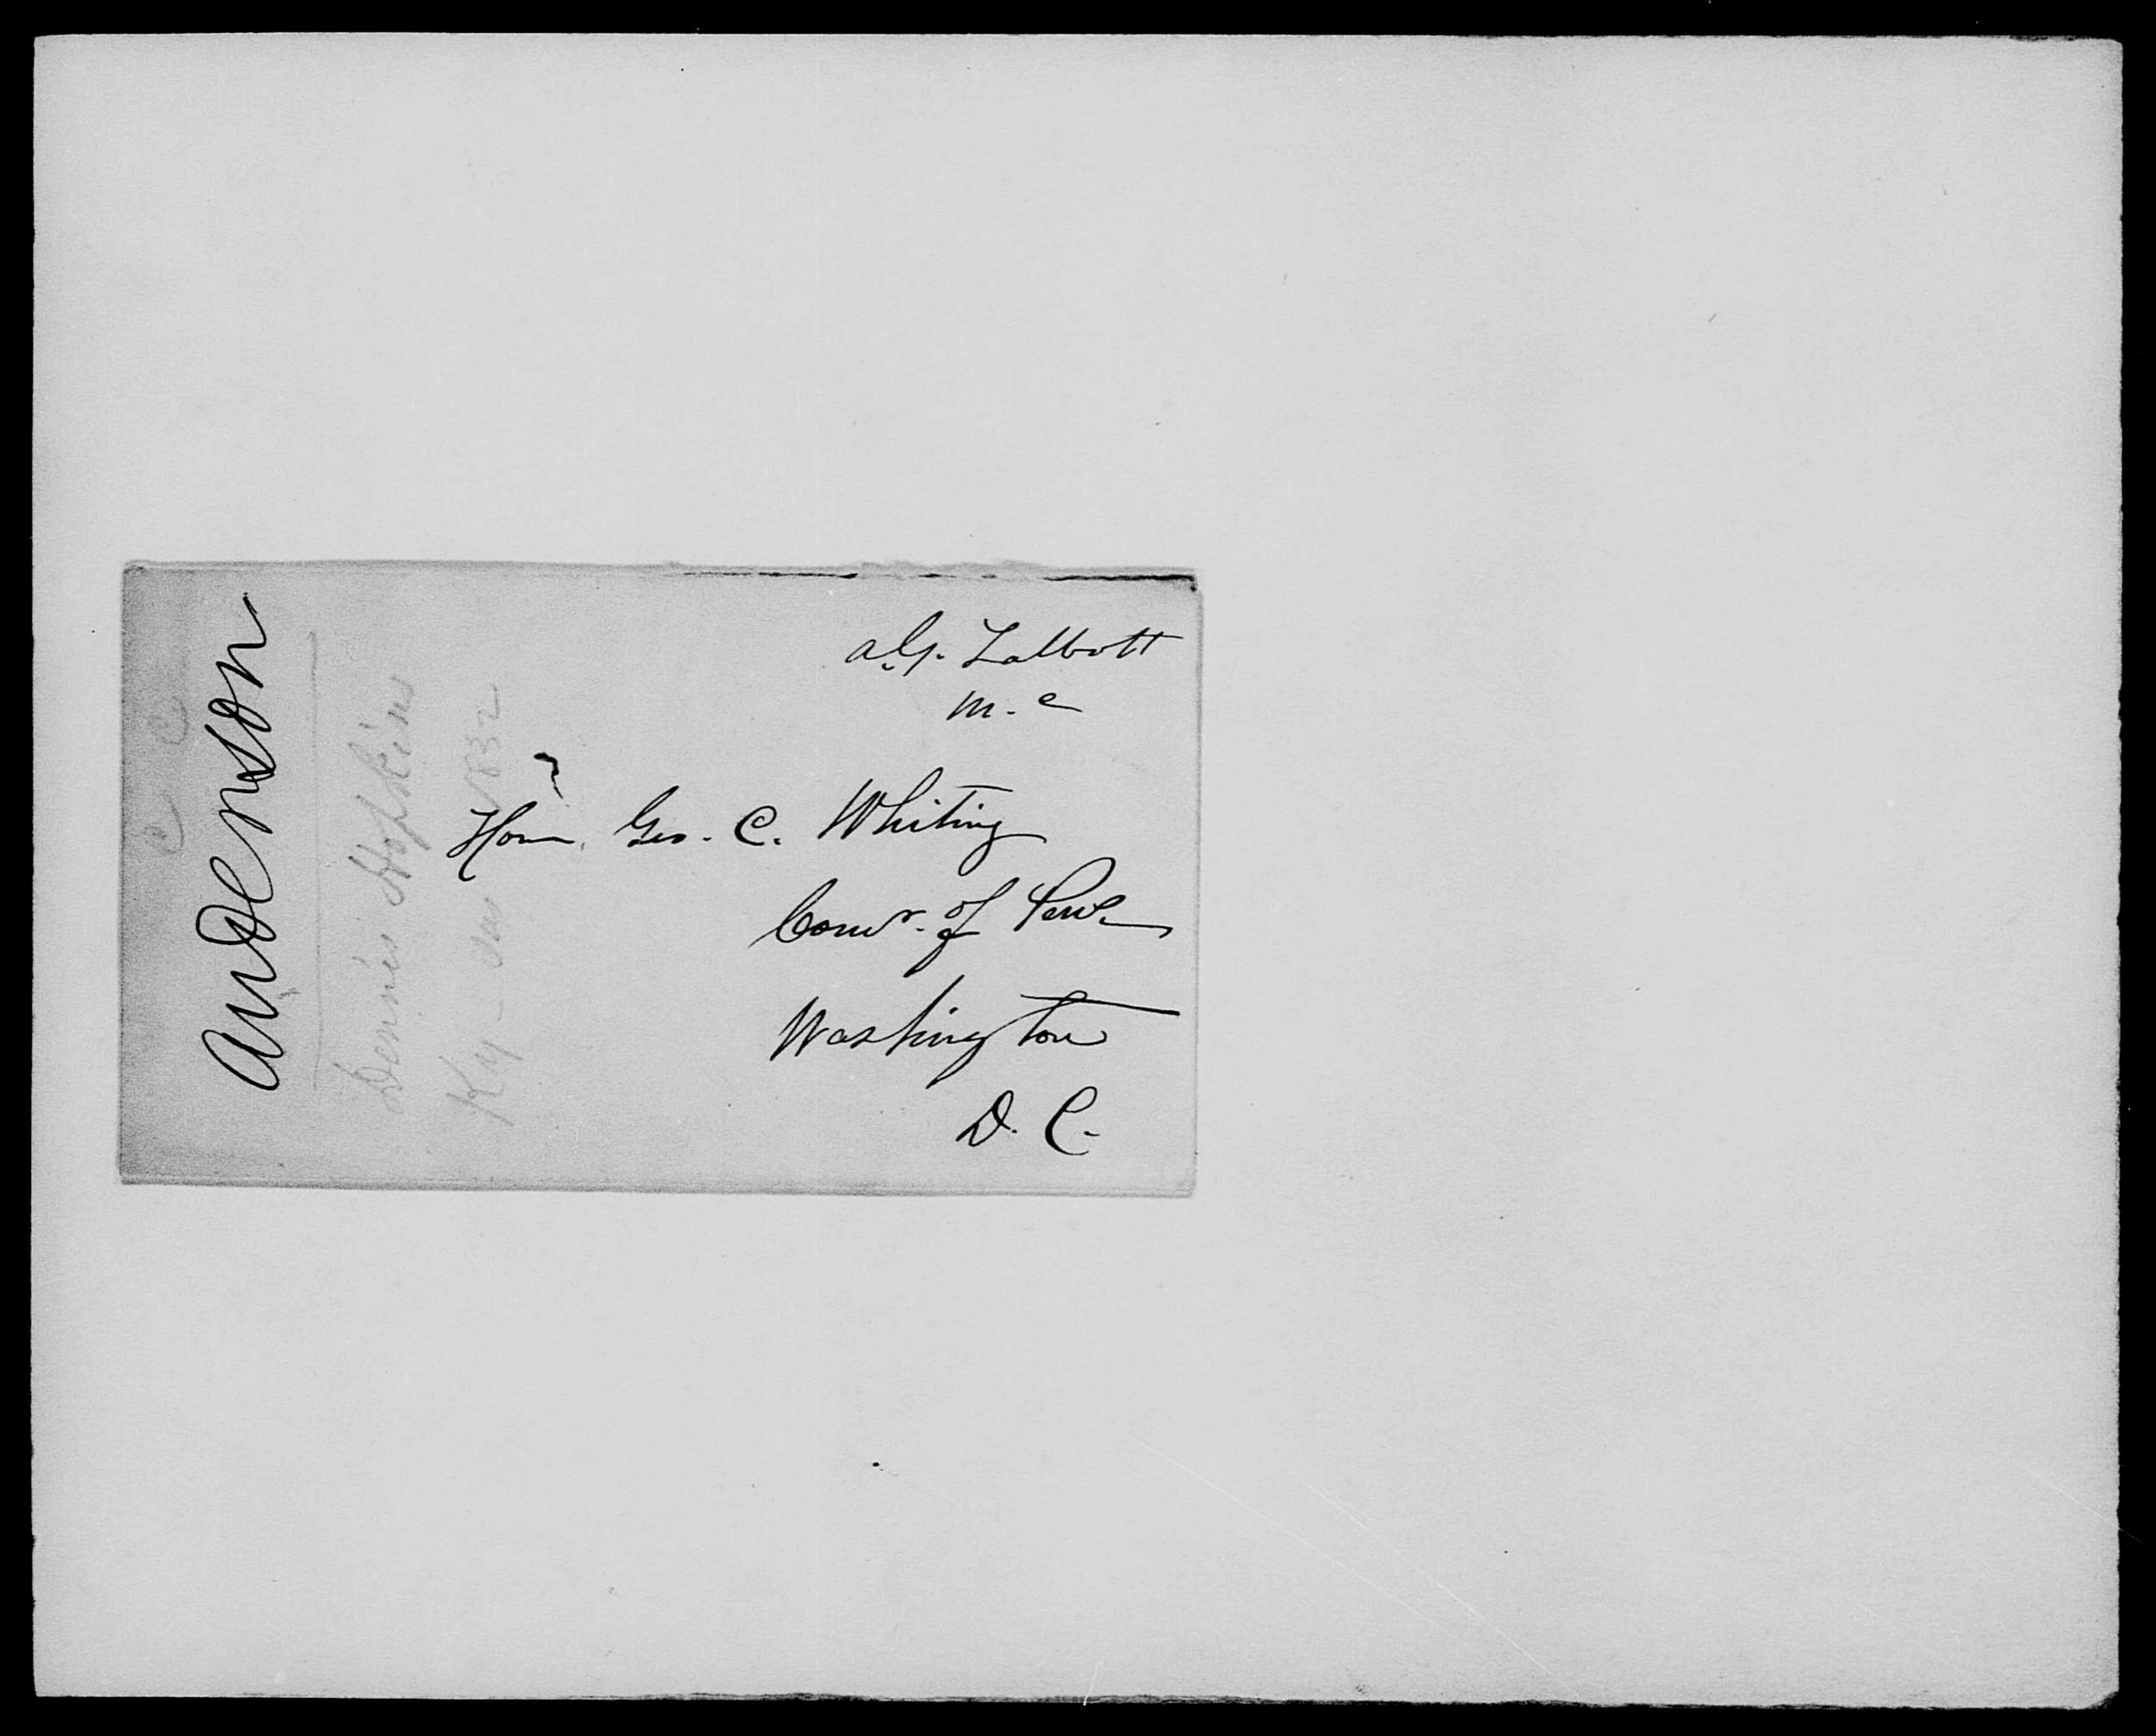[margin vertically] 
Anderson
Dennis Hopkins
KY- Sus 1832

A. G. Talbott
M.C.

Hon. Geo. C. Whitney
Comr of Pens [Pensions]
Washington D.C.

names: Dennis Hopkins, Anderson, Geo C Whiting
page: 15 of 144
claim: rejected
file: R. 5208, Dennis Hopkins, N.C.